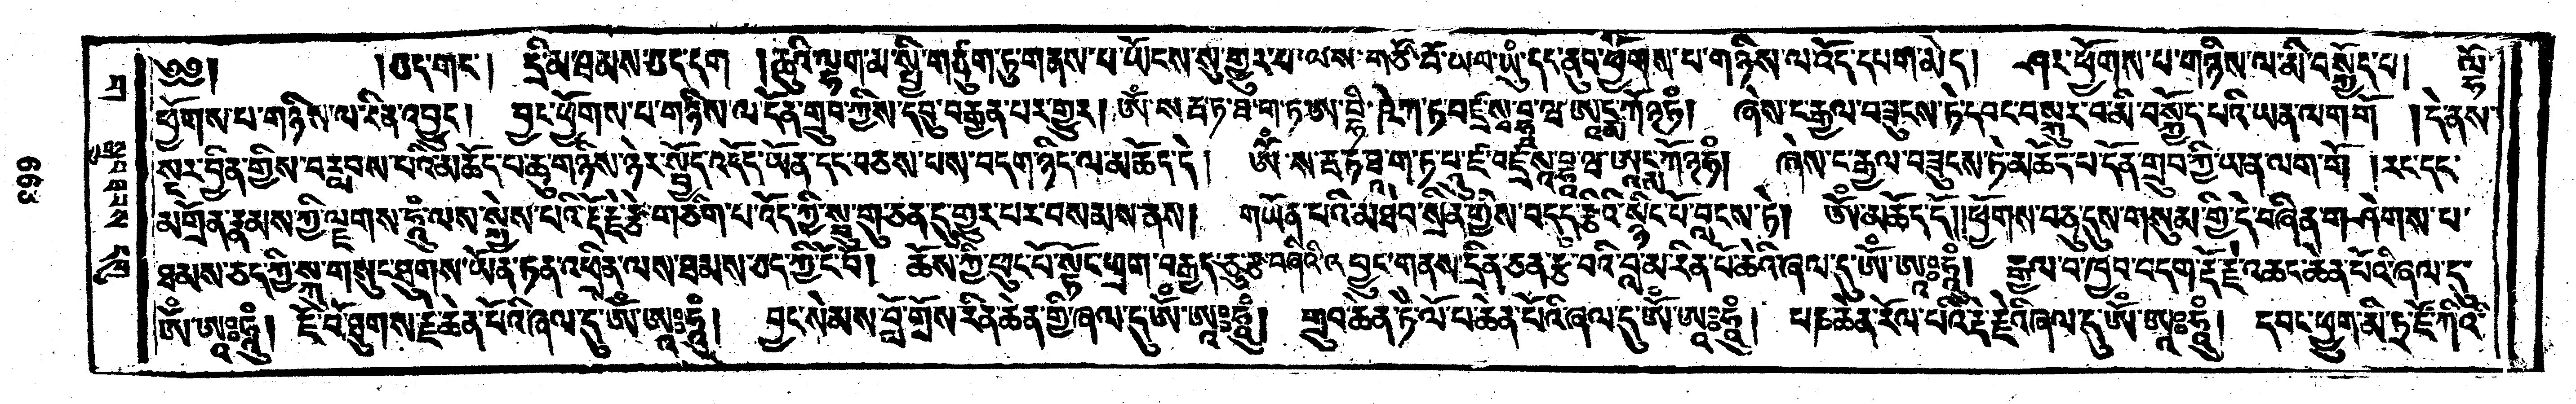༄༅། །ཅད་གང་། དྲི་མ་ཐམས་ཅད་དག །ཆུའི་ལྷག་མ་སྤྱི་གཙུག་ཏུ་གནས་པ་ཡོངས་སུ་གྱུར་པ་ལས་གཙོ་བོ་ཡབ་ཡུཾ་དང་ནུབ་ཕྱོགས་པ་གཉིས་ལ་འོད་དཔག་མེད། ཤར་ཕྱོགས་པ་གཉིས་ལ་མི་བསྐྱོད་པ། ལྷོ་
ཕྱོགས་པ་གཉིས་ལ་རིན་འབྱུང་། བྱང་ཕྱོགས་པ་གཉིས་ལ་དོན་གྲུབ་ཀྱིས་དབུ་བརྒྱན་པར་གྱུར། ཨོཾ་སརྦ་ཏ་ཐ་ག་ཏ་ཨ་བྷི་ཥེཀ་ཏ་བཛྲ་སྭ་བྷཱ་ཝ་ཨཱདམ་ཀོཉཧཾ། ཞེས་ང་རྒྱལ་བཟུངས་ཏེ་དབང་བསྐུར་བ་མི་བསྐྱོད་པའི་ཡན་ལག་གོ །དེ་ནས་
སྔར་བྱིན་གྱིས་བརླབས་པའི་མཆོད་པ་ཆུ་གཉིས་ཉེར་སྦྱོད་འདོད་ཡོན་དང་བཅས་པས་བདག་ཉིད་ལ་མཆོད་དེ། ཨོཾ་སརྦ་ཏ་ཐཱ་ག་ཏ་པཱུ་ཛ་བཛྲ་སཱ་བྷཱ་ཝ་ཨཱདམ་ཀོཉཧཾ། ཞེས་ང་རྒྱལ་བཟུངས་ཏེ་མཆོད་པ་དོན་གྲུབ་ཀྱི་ཡན་ལག་གོ །རང་དང་
མགྲོན་རྣམས་ཀྱི་ལྗགས་ཧཱུཾ་ལས་སྐྱེས་པའི་རྡོ་རྗེ་རྩེ་གཅིག་པ་འོད་ཀྱི་སྦུ་གུ་ཅན་དུ་གྱུར་པར་བསམས་ནས། གཡོན་པའི་མཐེབ་སྲིན་གྱིས་བདུད་རྩིའི་སྙིང་པོ་བླངས་ཏེ། ཨོཾ་མཆོད་དོ། །ཕྱོགས་བཅུ་དུས་གསུམ་གྱི་དེ་བཞིན་གཤེགས་པ་
ཐམས་ཅད་ཀྱི་སྐུ་གསུང་ཐུགས་ཡོན་ཏན་འཕྲིན་ལས་ཐམས་ཅད་ཀྱི་ངོ་བོ། ཆོས་ཀྱི་ཕུང་པོ་སྟོང་ཕྲག་བརྒྱད་ཅུ་རྩ་བཞིའི་འབྱུང་གནས་དྲིན་ཅན་རྩ་བའི་བླ་མ་རིན་པོ་ཆེའི་ཞལ་དུ་ཨོཾ་ཨཱཿཧཱུཾ། རྒྱལ་བ་ཁྱབ་བདག་རྡོ་རྗེ་འཆང་ཆེན་པོའི་ཞལ་དུ་
ཨོཾ་ཨཱཿཧཱུཾ། ཇོ་བོ་ཐུགས་རྗེ་ཆེན་པོའི་ཞལ་དུ་ཨོཾ་ཨཱཿཧཱུཾ། བྱང་སེམས་བློ་གྲོས་རིན་ཆེན་གྱི་ཞལ་དུ་ཨོཾ་ཨཱཿཧཱུཾ། གྲུབ་ཆེན་ཏཻ་ལོ་པ་ཆེན་པོའི་ཞལ་དུ་ཨོཾ་ཨཱཿཧཱུཾ། པཎ་ཆེན་རོལ་པའི་རྡོ་རྗེའི་ཞལ་དུ་ཨོཾ་ཨཱཿཧཱུཾ། དབང་ཕྱུག་མི་ཏྲ་ཇོ་ཀིའི་